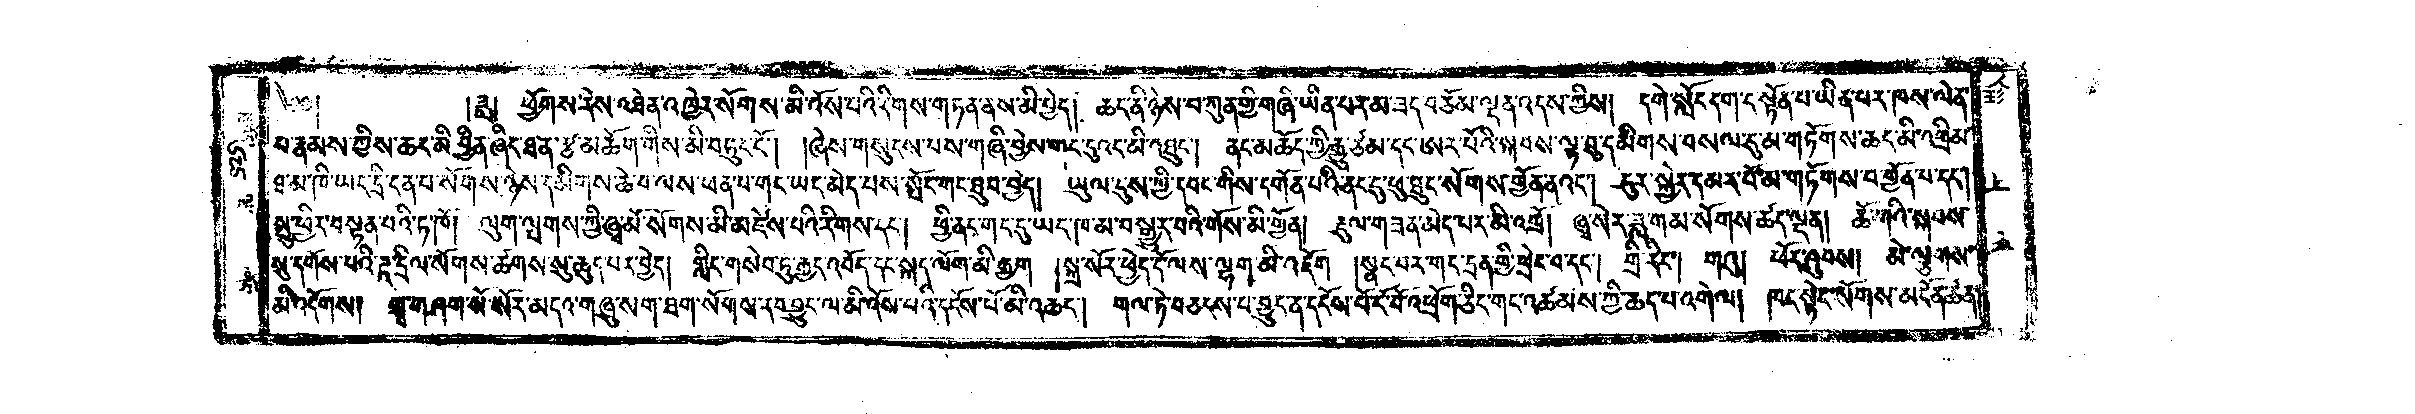༄༅། །ཟླ། ཕྱོགས་རེས་འཐེན་འཁྱེར་སོགས་མི་འོས་པའི་རིགས་གཏན་ནས་མི་བྱེད། ཆང་ནི་ཉེས་པ་ཀུན་གྱི་གཞི་ཡིན་པར་མ་ཟད་བཅོམ་ལྡན་འདས་ཀྱིས། དགེ་སློང་དག་ང་སྟོན་པ་ཡིན་པར་ཁས་ལེན་
པ་རྣམས་ཀྱིས་ཆང་མི་བྱིན་ཞིང་ཐ་ན་རྩ་མཆོག་གིས་མི་བཏུང་ངོ། །ཞེས་གསུངས་པས་གཞི་བྱེས་གང་དུའང་མི་འཐུང་། ནང་མཆོད་ཀྱི་རྒྱུ་ཙམ་དང་ཨར་པོའི་སྐབས་ལྟ་བུ་དམིགས་བསལ་དུ་མ་གཏོགས་ཆང་མི་འགྲིམ་
ཐ་མ་ཁི་ཡང་དྲི་ངན་པ་སོགས་ཉེས་དམིགས་ཆེ་བ་ལས་ཕན་པ་གང་ཡང་མེད་པས་སྤོང་གང་ཐུབ་བྱེད། ཡུལ་དུས་ཀྱི་དབང་གིས་དགོན་པའི་ནང་དུ་ཕུ་ཐུང་སོགས་གྱོན་ནའང་། དུར་སྐྱེར་དམར་པོ་མ་གཏོགས་པ་གྱོན་པ་དང་།
སྤུ་ཕྱིར་བསྟན་པའི་ཏ་ཁོ། ལུག་ལྤགས་ཀྱི་ཞྭ་མོ་སོགས་མི་མཛེས་པའི་རིགས་དང་། ཕྱི་ནང་གང་དུ་ཡང་ཁ་མ་བསྒྱུར་བའི་གོས་མི་གྱོན། རྡུལ་གཟན་མེད་པར་མི་འགྲོ། ཞྭ་སེར་ཟླ་གམ་སོགས་ཚད་ལྡན། ཆོ་གའི་སྐབས་
སུ་དགོས་པའི་ཌཱ་དྲིལ་སོགས་ཚགས་སུ་ཆུད་པར་བྱེད། གླིང་གསེབ་ཏུ་རྒྱང་འབོད་དང་སྐད་ལོག་མི་རྒྱག །སྐྲ་སོར་ཕྱེད་དོ་ལས་ལྷག་མི་འཇོག །སྣང་བར་གང་དྲན་གྱི་ཕྲེང་བ་དང་། གྲི་རིང་། གའུ། ཕོར་ཤུབས། མེ་ལྕགས་
མི་འདོགས། གྲྭ་གཤག་སོ་སོར་མདའ་གཞུ་སག་ཐག་སོགས་རབ་བྱུང་ལ་མི་འོས་པའི་དངོས་པོ་མི་འཆང་། གལ་ཏེ་བཅངས་པ་བྱུང་ན་དངོས་པོ་ངོ་བོ་འཕྲོག་ཅིང་གང་འཚམས་ཀྱི་ཆད་པ་འགེལ། ཁང་སྟེང་སོགས་མངོན་ཚན།